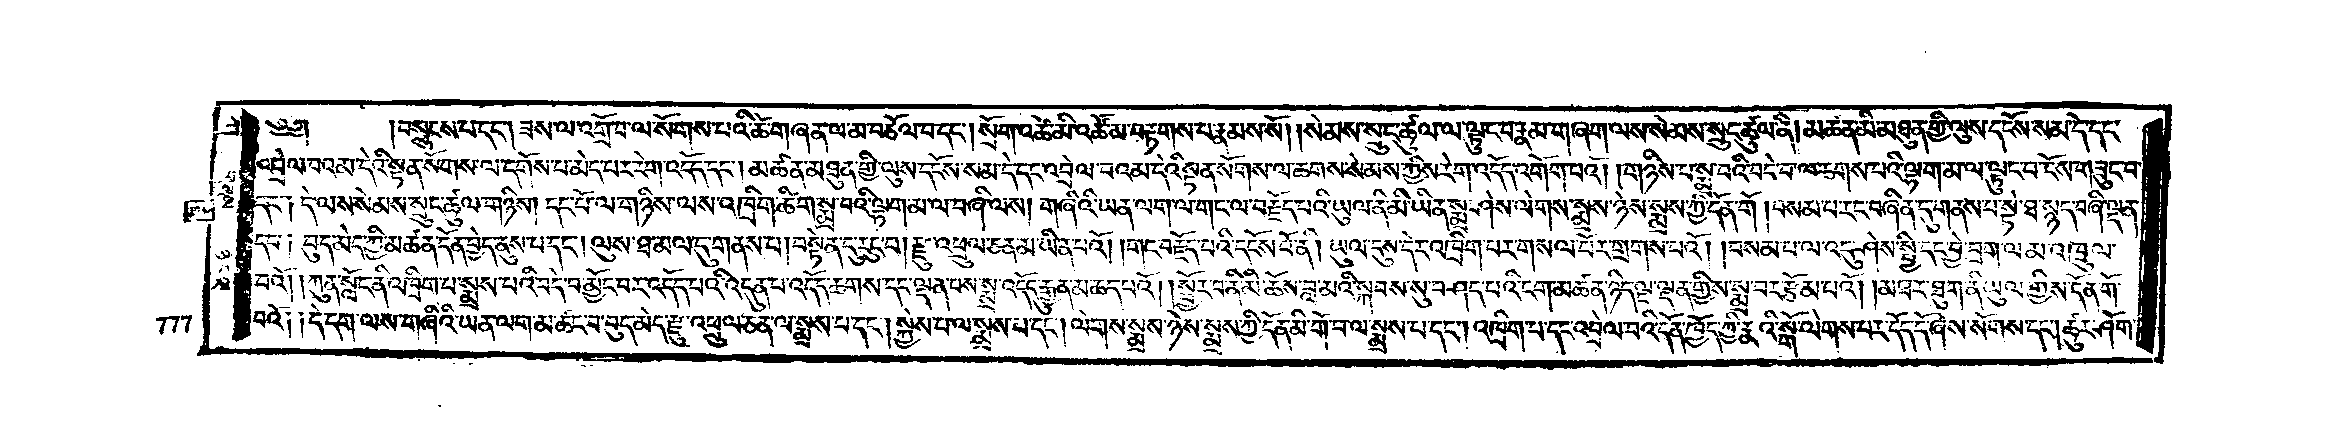༄༅། །བསྲུངས་པ་དང་། ཟས་ལ་འགྲོ་བ་ལ་སོགས་པའི་ཚེ་གཞན་ལ་མ་བཅོལ་བ་དང་། སྲོག་འཚེ་མི་འཚོ་མ་བརྟགས་པ་རྣམས་སོ། །སེམས་སྲུང་ཚུལ་ལ་ལྟུང་བ་རྣམ་གཞག་ལས་སེམས་སྲུང་ཚུལ་ནི། མཚན་མི་མཐུན་གྱི་ལུས་དངོས་སམ་དེ་དང་
འབྲེལ་བའམ་དེའི་སྟན་སོགས་ལ་དགོས་པ་མེད་པར་རེག་འདོད་དང་། མཚན་མཐུན་གྱི་ལུས་དངོས་སམ་དེ་དང་འབྲེལ་བའམ་དེའི་སྟན་སོགས་ལ་ཆགས་སེམས་ཀྱིས་རེག་འདོད་འགོག་པའོ། །གཉིས་པ་སྨྲ་བའི་བདེ་བ་ལ་ཆགས་པའི་ལྷག་མ་ལ་ལྟུང་བ་ངོས་གཟུང་བ་
དང་། དེ་ལས་སེམས་སྲུང་ཚུལ་གཉིས། དང་པོ་ལ་གཉིས་ལས་འཁྲིག་ཚིག་སྨྲ་བའི་ལྷག་མ་ལ་བཞི་ལས། གཞིའི་ཡན་ལག་ལ་གང་ལ་བརྗོད་པའི་ཡུལ་ནི་མི་ཡིན་སྨྲ་ཤེས་ལེགས་སྨྲས་ཉེས་སྨྲས་ཀྱི་དོན་གོ །གསམ་པ་རང་བཞིན་དུ་གནས་པ་སྟེ་ཐ་སྙད་གཞི་ལྡན་
དང་། བུད་མེད་ཀྱི་མཚན་དོན་བྱེད་ནུས་པ་དང་། ལུས་ཐ་མལ་དུ་གནས་པ། བསྟེན་དུ་རུང་བ། རྫུ་འཕྲུལ་ཅན་མ་ཡིན་པའོ། །གང་བརྗོད་པའི་དངོས་པོ་ནི། ཡུལ་དུས་དེར་འཁྲིག་པར་གསལ་པོར་གྲགས་པའོ། །བསམ་པ་ལ་འདུ་ཤེས་སྤྱི་དང་བྱེ་བྲག་ལ་མ་འཁྲུལ་
བའོ། །ཀུན་སློང་ནི་འཁྲིག་པ་སྨྲས་པའི་བདེ་བ་མྱོང་བར་འདོད་པའི་འདུན་པ་འདོད་ཆགས་དང་ལྡན་པས་སྨྲ་འདོད་རྒྱུན་མ་ཆད་པའོ། །སྦྱོར་བ་ནི་མི་ཆོས་བླ་མའི་སྐབས་སུ་བཤད་པའི་ངག་མཚན་ཉིད་ལྔ་ལྡན་གྱིས་སྨྲ་བར་རྩོམ་པའོ། །མཐར་ཐུག་ནི་ཡུལ་གྱིས་དོན་གོ་
བའོ། །དེ་དག་ལས་གཞིའི་ཡན་ལག་མ་ཚང་བ་བུད་མེད་རྫུ་འཕྲུལ་ཅན་ལ་སྨྲས་པ་དང་། སྐྱེས་པ་ལ་སྨྲས་པ་དང་། ལེགས་སྨྲས་ཉེས་སྨྲས་ཀྱི་དོན་མི་གོ་བ་ལ་སྨྲས་པ་དང་། འཁྲིག་པ་དང་འབྲེལ་བའི་དོན་ཁྱོད་ཀྱི་རྨའི་སྒོ་ལེགས་པར་དོད་དོ་ཞེས་སོགས་དང་། ཚུར་ཤོག་